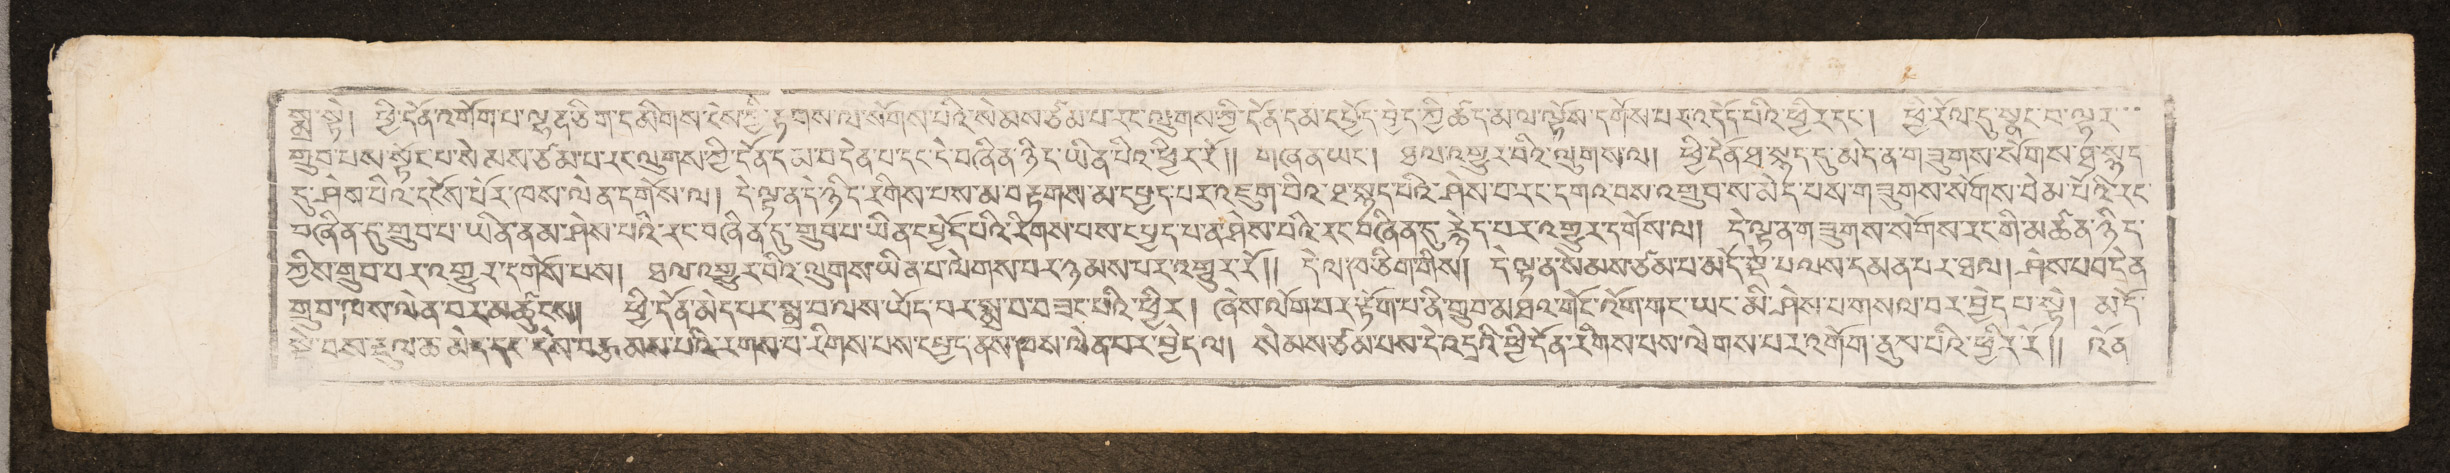སྨྲ་སྟེ། ཕྱི་དོན་འགོག་པ་ལྷན་ཅིག་དམིགས་ངེས་ཀྱི་རྟགས་ལ་སོགས་པའི་སེམས་ཙམ་པ་རང་ལུགས་ཀྱི་དོན་དམ་དཔྱོད་བྱེད་ཀྱི་ཚད་མ་ལ་ལྟོས་དགོས་པར་འདོད་པའི་ཕྱིར་དང་། ཕྱི་རོལ་དུ་སྣང་བ་ལྟར་
གྲུབ་པས་སྟོང་པ་སེམས་ཙམ་པར་རང་ལུགས་ཀྱི་དོན་དམ་བདེན་པ་དང་དེ་བཞིན་ཉིད་ཡིན་པའི་ཕྱིར་རོ།། གཞན་ཡང་། ཐལ་འགྱུར་བའི་ལུགས་ལ། ཕྱི་དོན་ཐ་སྙད་དུ་མེད་ན་གཟུགས་སོགས་ཐ་སྙད་
དུ་ཤེས་པའི་དངོས་པར་ཁས་ལེན་དགོས་ལ། དེ་ལྟ་ན་དེ་ཉིད་རིགས་པས་མ་རྟགས་མ་དཔྱད་པར་འཇུག་པའི་ཐ་སྙད་པའི་ཤེས་པ་རང་དགའ་བས་འགྲུབ་ས་མེད་པས་གཟུགས་སོགས་བེམ་པོའི་རང་
བཞིན་དུ་གྲུབ་པ་ཡིན་ནམ་ཤེས་པའི་རང་བཞིན་དུ་གྲུབ་པ་ཡིན་དཔྱོད་པའི་རིགས་པས་དཔྱད་པ་ན་ཤེས་བའི་རང་བཞིན་དུ་རྙེད་པར་འགྱུར་དགོས་ལ། དེ་ལྟ་ན་གཟུགས་སོགས་རང་གི་མཚན་ཉིད་
ཀྱིས་གྲུབ་པར་འགྱུར་དགོས་པས། ཐལ་འགྱུར་བའི་ལུགས་ཡིན་པ་ལེགས་པར་ཉམས་པར་འགྱུར་རོ།། དེ་ལ་ཁ་ཅིག་གིས། དེ་ལྟན་སེམས་ཙམ་པ་མདོ་སྡེ་པ་ལས་དམན་པར་ཐལ། ཤེས་པ་བདེན་
གྲུབ་ཁས་ལེན་པར་མཚུངས། ཕྱི་དོན་མེད་པར་སྨྲ་བ་ལས་ཡོད་པར་སྨྲ་བ་ལས་ཡོད་པར་སྨྲ་བ་བཟང་བའི་ཕྱིར། ཞེས་ལོག་པར་རྟོག་པ་ནི་གྲུབ་མཐའ་གོང་འགོག་གང་ཡང་མི་ཤེས་པ་གསལ་བར་བྱེད་པ་།སྟེ། མདོ་
སྡེ་བས་རྡུལ་ཆ་མེད་དང་དེས་བརྩམས་པའི་རགས་རིགས་པས་དཔྱད་ནས་ཁས་ལེན་པར་བྱེད་ལ། སེམས་ཙམ་པས་དེ་འདྲའི་ཕྱི་དོན་རིགས་པས་ལེགས་པར་འགོག་ནུས་པའི་ཕྱིར་རོ།། འོན་